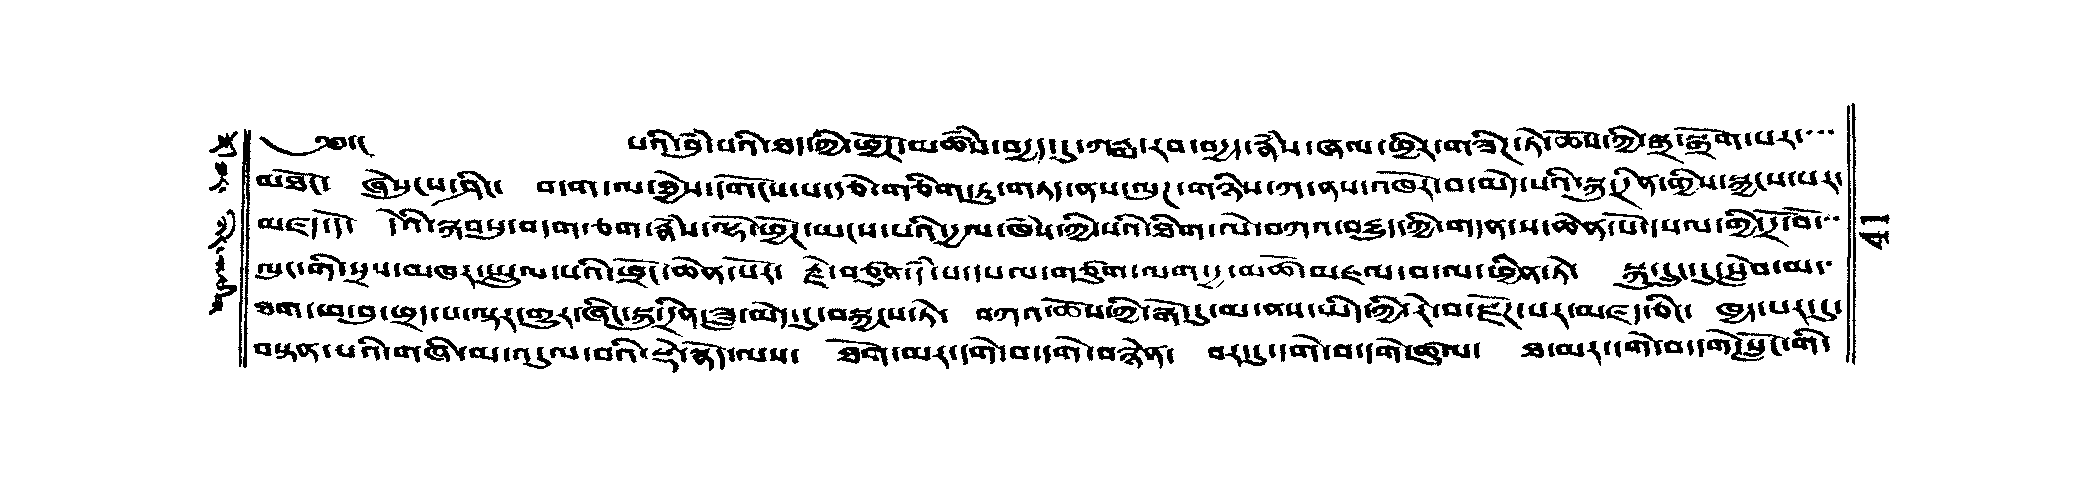པའི་བུམ་པའི་ཐད་ཀྱི་ཕྱོགས་མཚམས་བརྒྱད་དུ་ཀརྨ་རབས་བརྒྱད་རྣམས་ཞལ་ཕྱིར་གཟིགས་ཏེ་ཆོས་ཀྱི་སྒྲ་སྒྲོག་པར་
མཐོང་། ཞེས་གསུངས་ཤིང་། བདག་ལ་ཐུགས་རྗེས་དགོངས་པ་རྩེ་གཅིག་ཏུ་གཏད་ནས་ལུགས་གཉིས་ཀ་ནས་འཁོར་བ་མེད་པའི་སྐུ་དྲིན་གྱིས་བསྐྱང་བར་
མཛད་དོ། དེའི་སྐབས་སུ་བདག་ཅག་རྣམས་ལྷོ་ཕྱོགས་ཡངས་པའི་རྒྱལ་ཁམས་ཀྱི་སའི་ཐིག་ལེ་བཀའ་བརྒྱུད་ཀྱི་གདན་ས་ཆེན་པོ་དཔལ་གྱི་གྲོ་བོ་
ལུང་གི་སྲས་མཁར་སྤྲུལ་པའི་ཕོ་བྲང་ཆེན་པོར། རྗེ་བཙུན་དམ་པ་དཔལ་གཙུག་ལག་རྒྱ་མཚོ་མཇལ་བ་ལ་ཕྱིན་ཏེ། སྐུ་དྲུང་དུ་སླེབས་མ་
ཐག་ཕ་བུ་ཕྲད་པ་ལྟར་གྱུར་ཞིང་སྐུ་དྲིན་ཟླ་མེད་དུ་བསྐྱངས་ཏེ། བཀའ་ཆོས་ཀྱི་སྒོ་དུ་མ་ནས་ཡིད་ཀྱི་རེ་བ་རྫོགས་པར་མཛད་ཅིང་། ཁྱད་པར་དུ་
བསྟན་པའི་གཞི་མ་འདུལ་བའི་སྡེ་སྣོད་ལས། ཐོག་མར་དགེ་བ་དགེ་བསྙེན། བར་དུ་དགེ་བ་དགེ་ཚུལ། ཐ་མར་དགེ་བ་དགེ་སློང་གི་